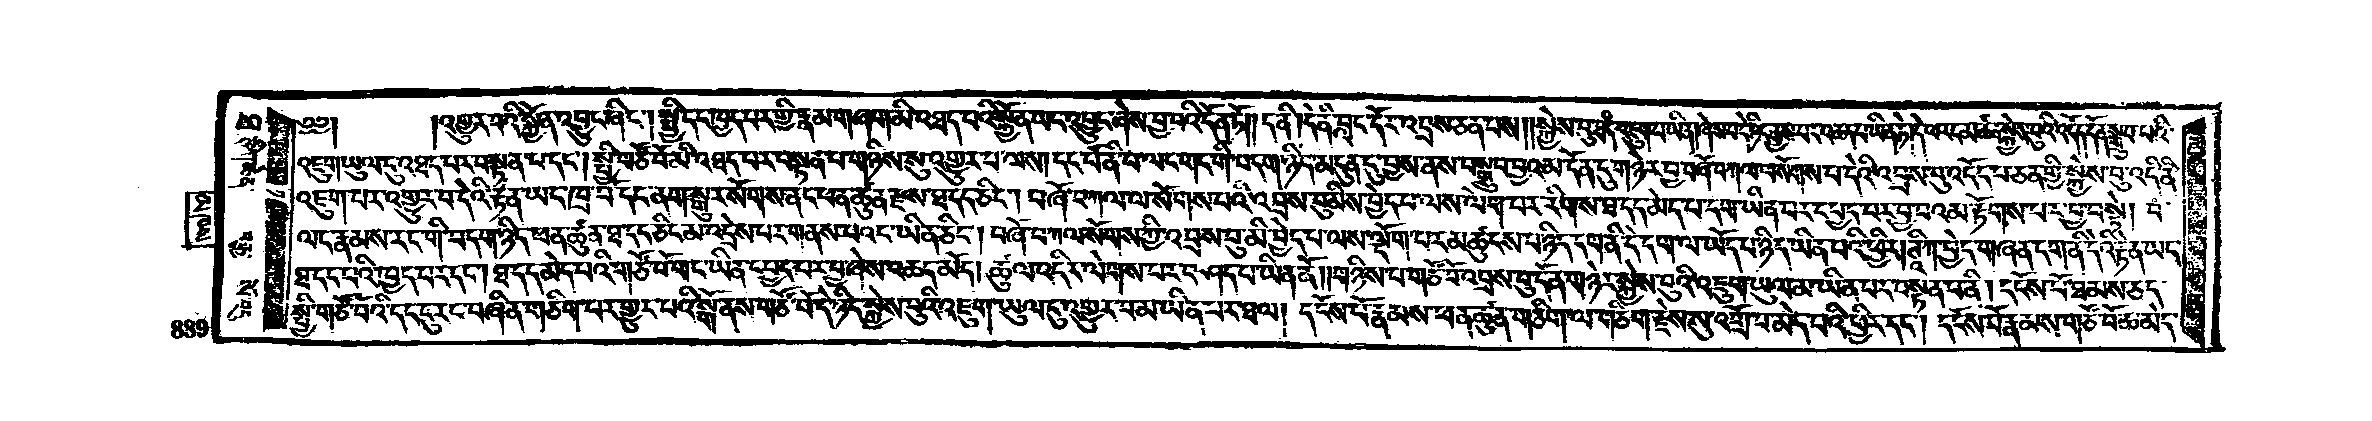༄༅། །འགྱུར་བའི་སྐྱོན་འབྱུང་ཞིང་། སྤྱི་དང་ཁྱད་པར་གྱི་རྣམ་གཞག་མི་འཐད་པའི་སྐྱོན་ཡང་འབྱུང་ཞེས་བྱ་བའི་དོན་ཏོ། །དེ་ནི། དེ་ནི་བླང་དོར་འབྲས་ཅན་པས། །སྐྱེས་བུ་ཐམས་ཅད་འཇུག་པ་ཡིན། ཞེས་པའི་དེ་ཉིད་རྒྱས་པར་འཆད་པ་ཡིན་ཏེ། དེ་འ་རང་མཚན་སྐྱེས་བུའི་འདོད་དོན་སྒྲུབ་པའི་
འཇུག་ཡུལ་དུ་འཐད་པར་བསྟན་པ་དང་། སྤྱི་གཙོ་བོ་མི་འཐད་པར་བསྟན་པ་གཉིས་སུ་འགྱུར་པ་ལས། དང་པོ་ནི་བ་ལང་གང་གི་བདག་ཉིད་མདུན་དུ་བྱས་ནས་བསྒྲུབ་བྱའམ་དོན་དུ་གཉེར་བྱ་བཞོ་བཀལ་ལ་སོགས་པ་དེའི་འབྲས་བུ་འདོད་པ་ཅན་གྱི་སྐྱེས་བུ་འདི་ནི་
འཇུག་པར་འགྱུར་བ་དེའི་རྟེན་ཡང་ཁྲ་བོ་དང་ནག་སྒུར་སོགས་ནང་ཕན་ཚུན་རྫས་ཐ་དད་ཅིང་། བཞོ་བཀལ་ལ་སོགས་པའི་འབྲས་བུ་མིས་བྱེད་པ་ལས་ལོག་པར་རིགས་ཐ་དད་མེད་པ་དག་ཡིན་པར་དཔྱད་པར་བྱ་བའམ་རྟོགས་པར་བྱ་བ་སྟེ། བ་
ལང་རྣམས་རང་གི་བདག་ཉིད་ཕན་ཚུན་ཐད་དད་ཅིང་མ་འདྲེས་པར་གནས་པའང་ཡིན་ཅིང་། བཞོ་བཀལ་སོགས་ཀྱི་འབྲས་བུ་མི་བྱེད་པ་ལས་ལྡོག་པར་མཚུངས་པ་ཉིད་བདག་དག་ནི་དེ་དག་ལ་ཡོད་པ་ཡིན་ཡིན་པའི་ཕྱིར། ཊཱི་ཀ་བྱེད་གཞན་དག་ནི་དེའི་རྟེན་ཡང་
ཐ་དད་པའི་ཁྱད་པར་དང་། ཐ་དད་མེད་པའི་གཙོ་བོ་གང་ཡིན་དཔྱད་པར་བྱ་ཞེས་འཆད་མོད། ཚུལ་འདིར་ལེགས་པར་བཤད་པ་ཡིན་ནོ། །གཉིས་པ་གཙོ་བོ་འབྲས་བུ་དོན་གཉེར་སྐྱེས་བུའི་འཇུག་ཡུལ་མ་ཡིན་པར་བསྟན་པ་ནི། དངོས་པོ་ཐམས་ཅད་
སྤྱི་གཙོ་བོའི་དང་དུ་རང་བཞིན་གཅི་གྤར་གྱུར་པའི་སྒོ་ནས་གཙོ་བོ་དེ་ཉིད་སྐྱེས་བུའི་འཇུག་པ་ཡུལ་དུ་འགྱུར་པ་མ་ཡིན་པར་ཐལ། དངོས་པོ་རྣམས་ཕན་ཚུན་གཅིག་ལ་གཅིག་རྗེས་སུ་འགྲོ་བ་མེད་པའི་ཕྱིར་དང་། དངོས་པོ་རྣམས་གཙོ་བོ་ཆ་མེད་